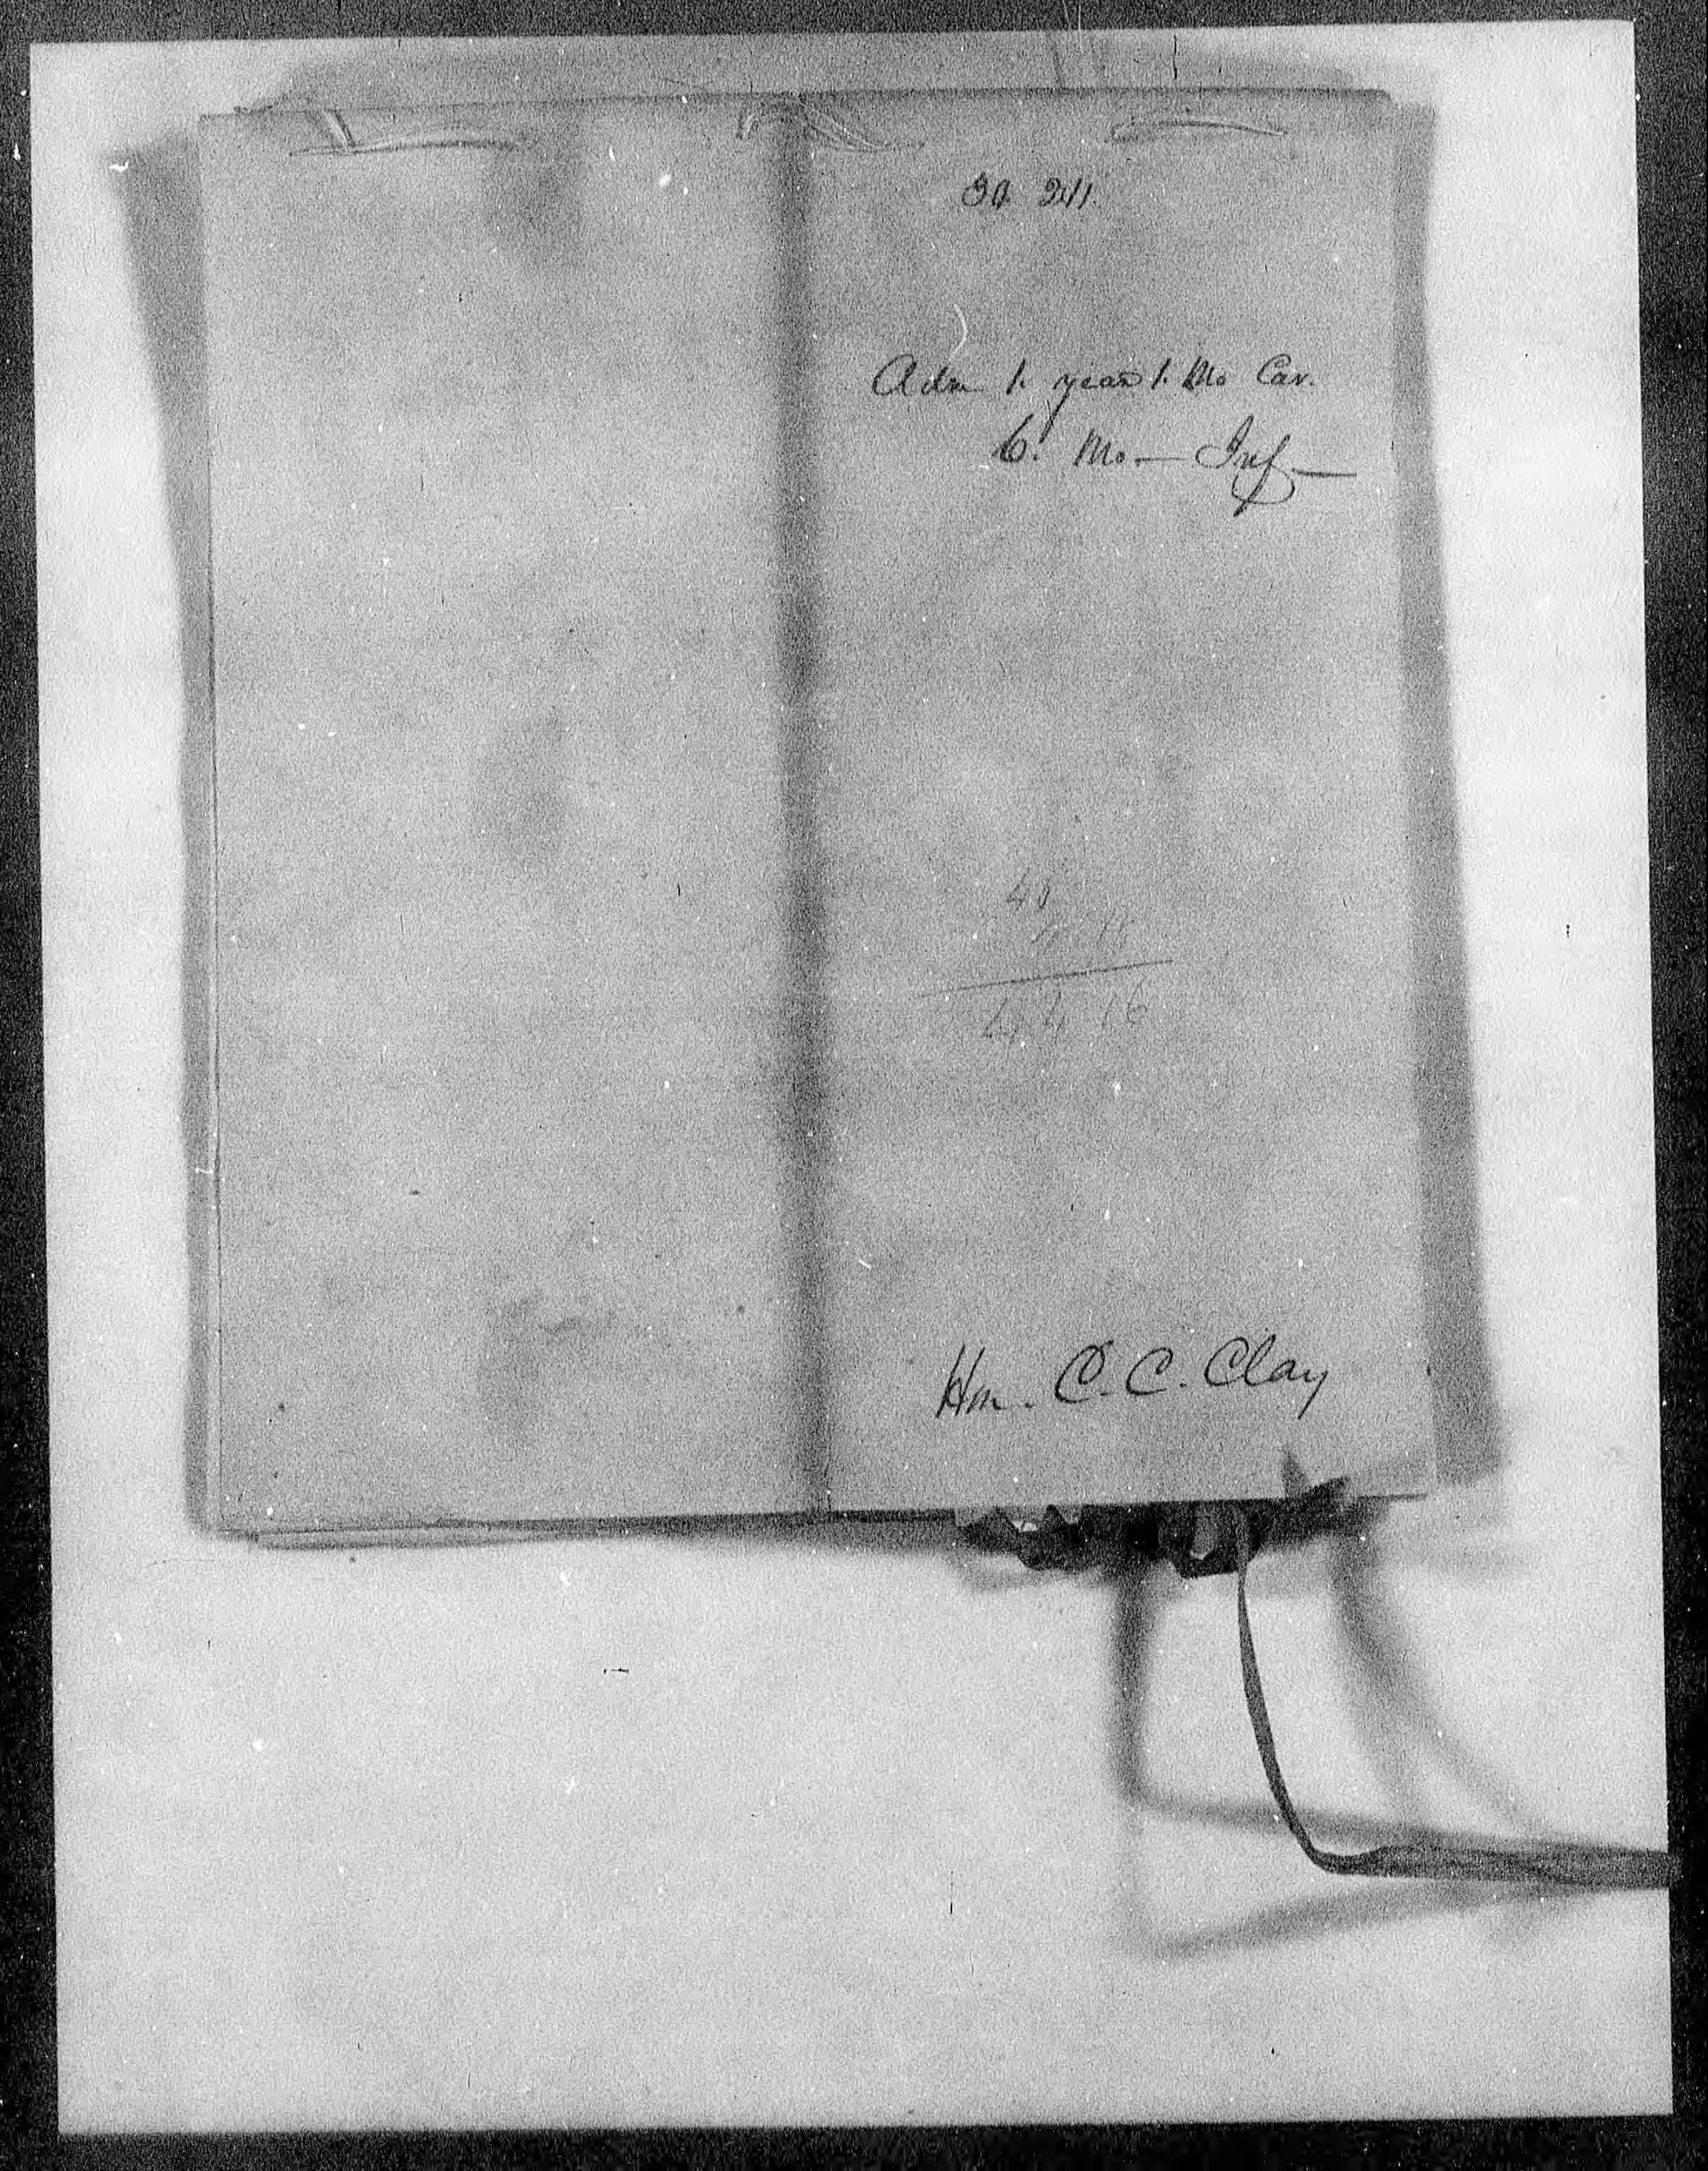[GA 241??]

Adm 1 year 1 mo Cav.
6 mo___ Inf____


[very faint numbers}
40
 4.16 [?]
44.16

Hon. C. C. Clay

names: C C Clay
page: 6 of 45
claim: widow's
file: W. 26160, for Thomas C Jones, Georgia